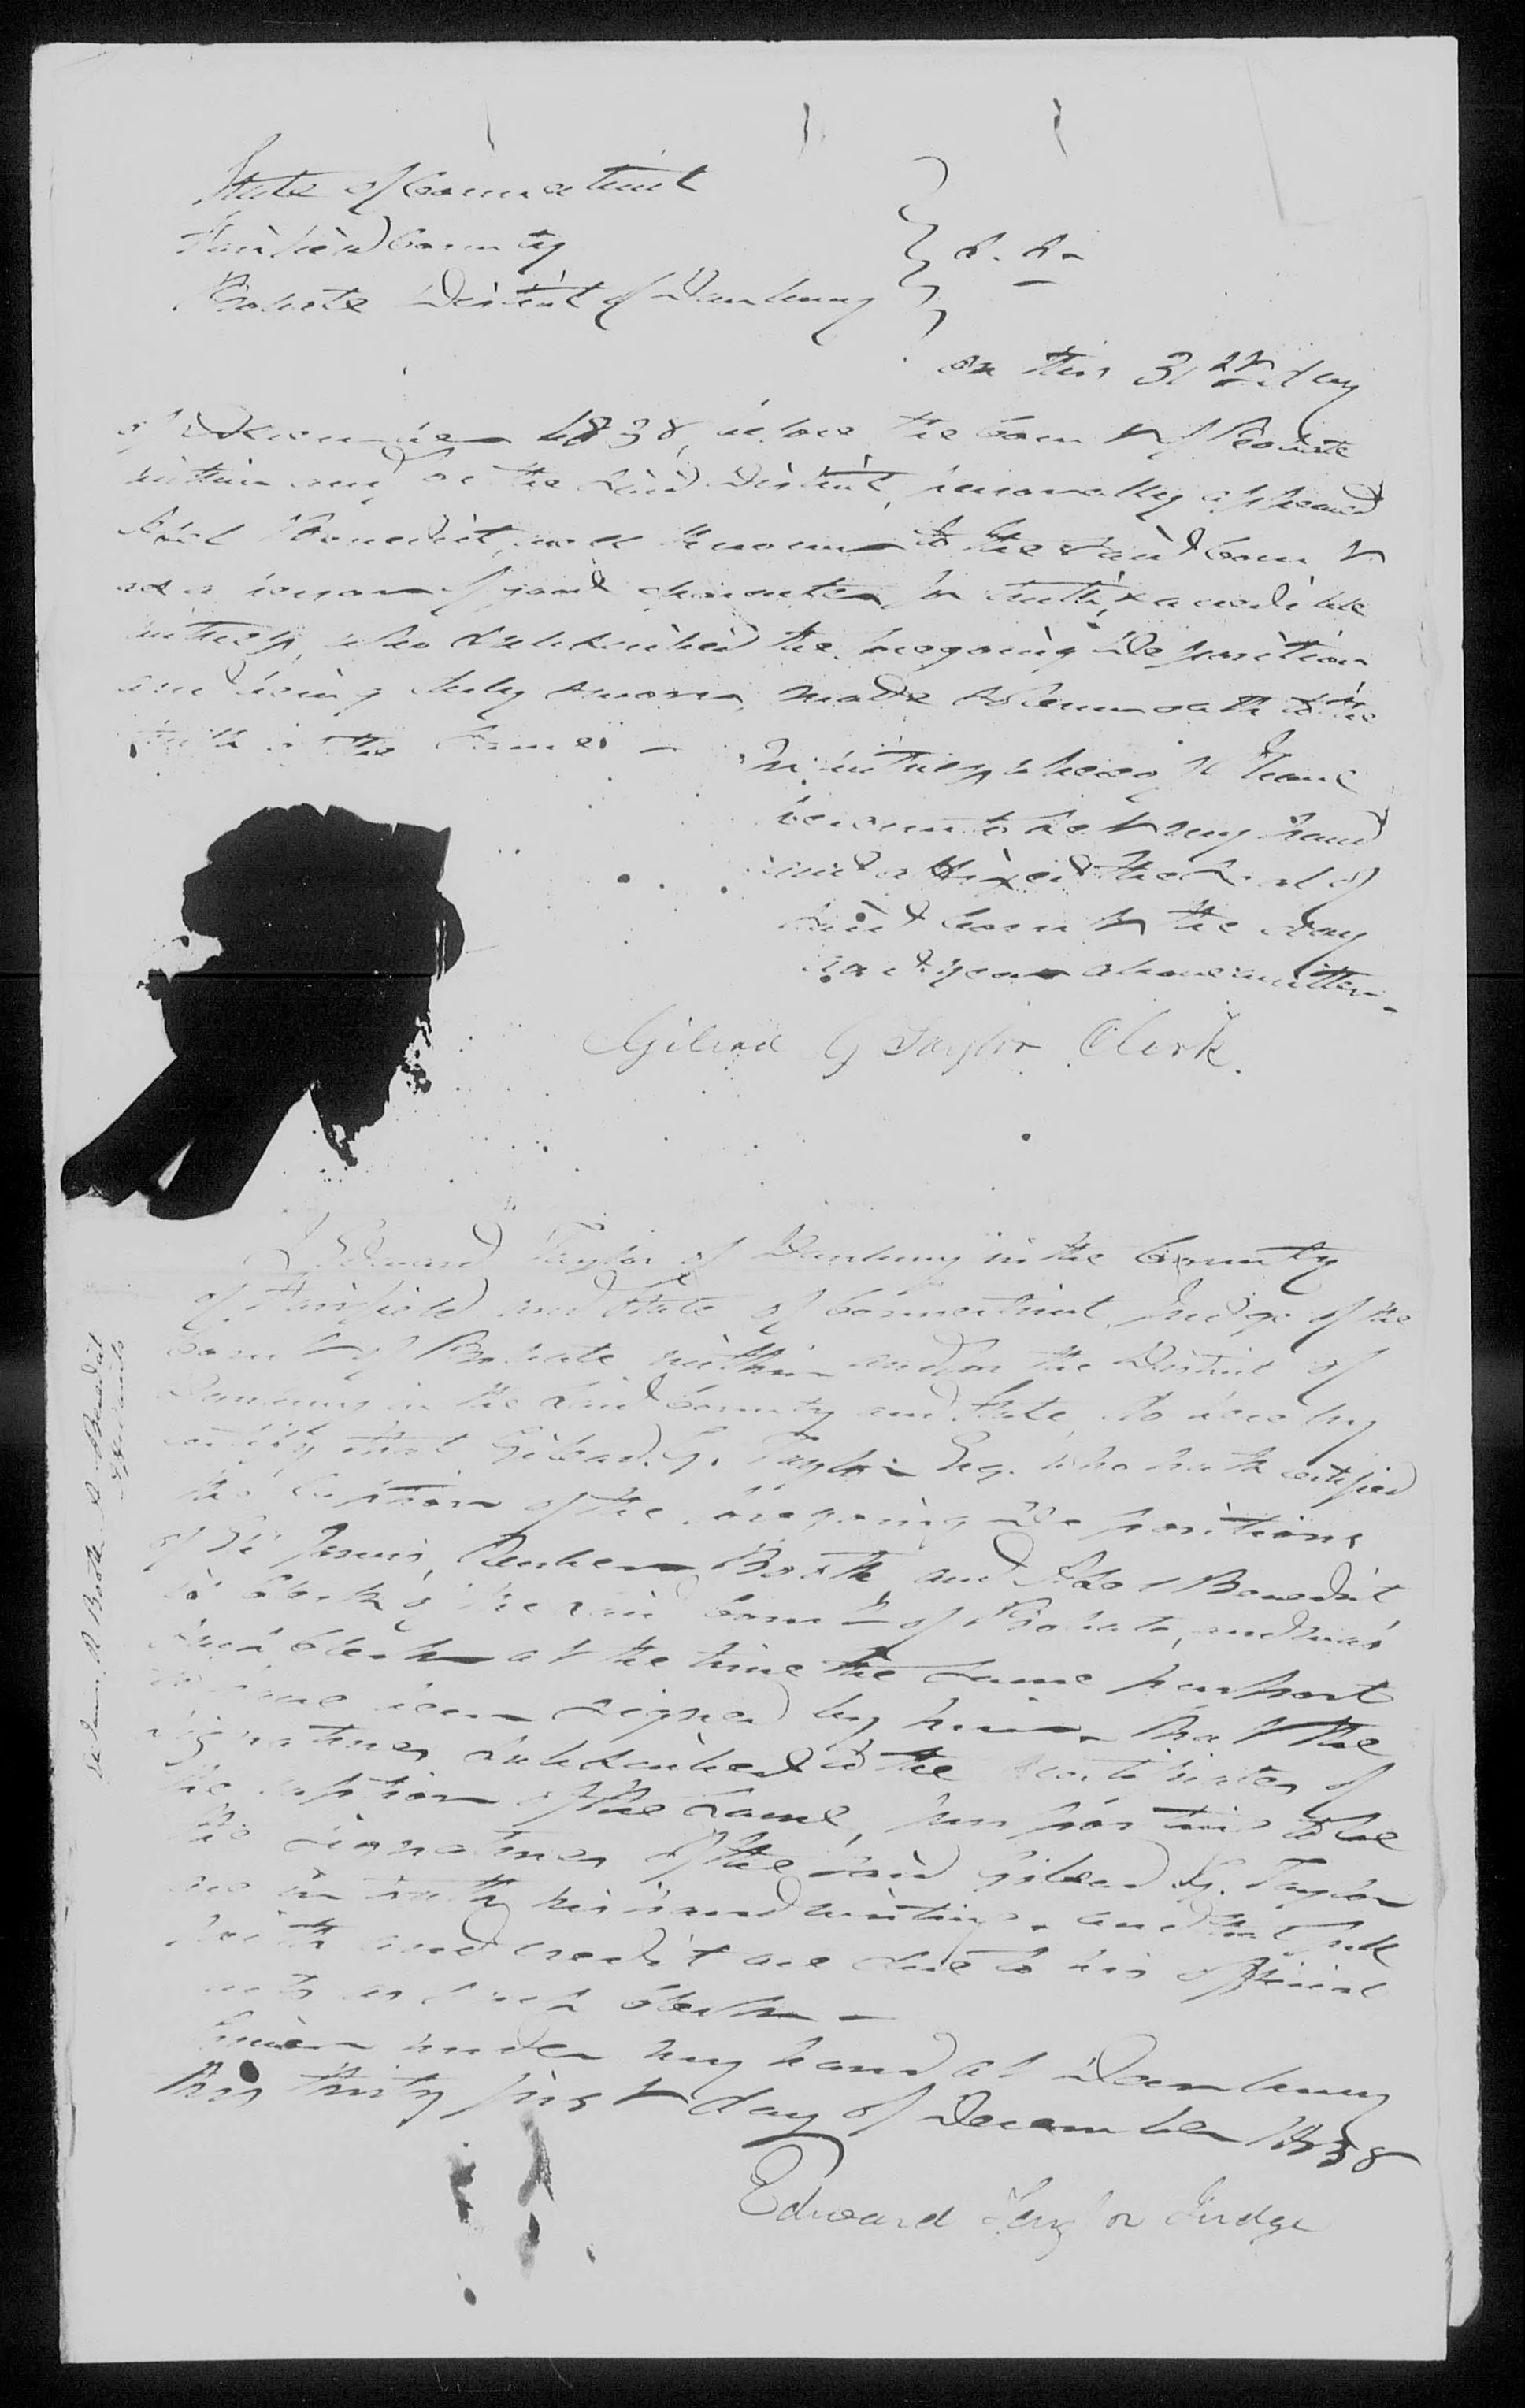MOSTLY UNREABABLE

State of Connecticut          }
Fairfield County                  }  S. S.
Probate District of Danbury}
                                           On this 3st day
of December 1838, before the Court of Probate
within and for the said District personally appeared
Abel Benedict
on find hereto or seek redible
this date wicked the pregoing Deposition
in living duly sworn maketh
make and
unto set my hand
Hixed
Court the day
year above written
Gilead G Taylor Clerk
Board
Benton of Banns in the County
of Penfield and State of Saint
Bate within the District of
ament in the City and hate to my
tribes. They who testified
tion of the one portions
Reuben Band
comfort, and
at the time the same purport
signed by him the
entered the Notice of
in the same unto him the
in times of the Bill.
into his hand writing
understand not
the
under my hand at Benton
this thirty first day of December 18
Edward Taylor Judge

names: Abel Benedict, Reuben Booth, Gilead G Taylor, Edward Taylor, Abel Benedict, Gilead G Taylor, Gilead G Taylor, Edward Taylor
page: 8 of 56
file: [ILLEGIBLE], Jonah Benedict, Conn.